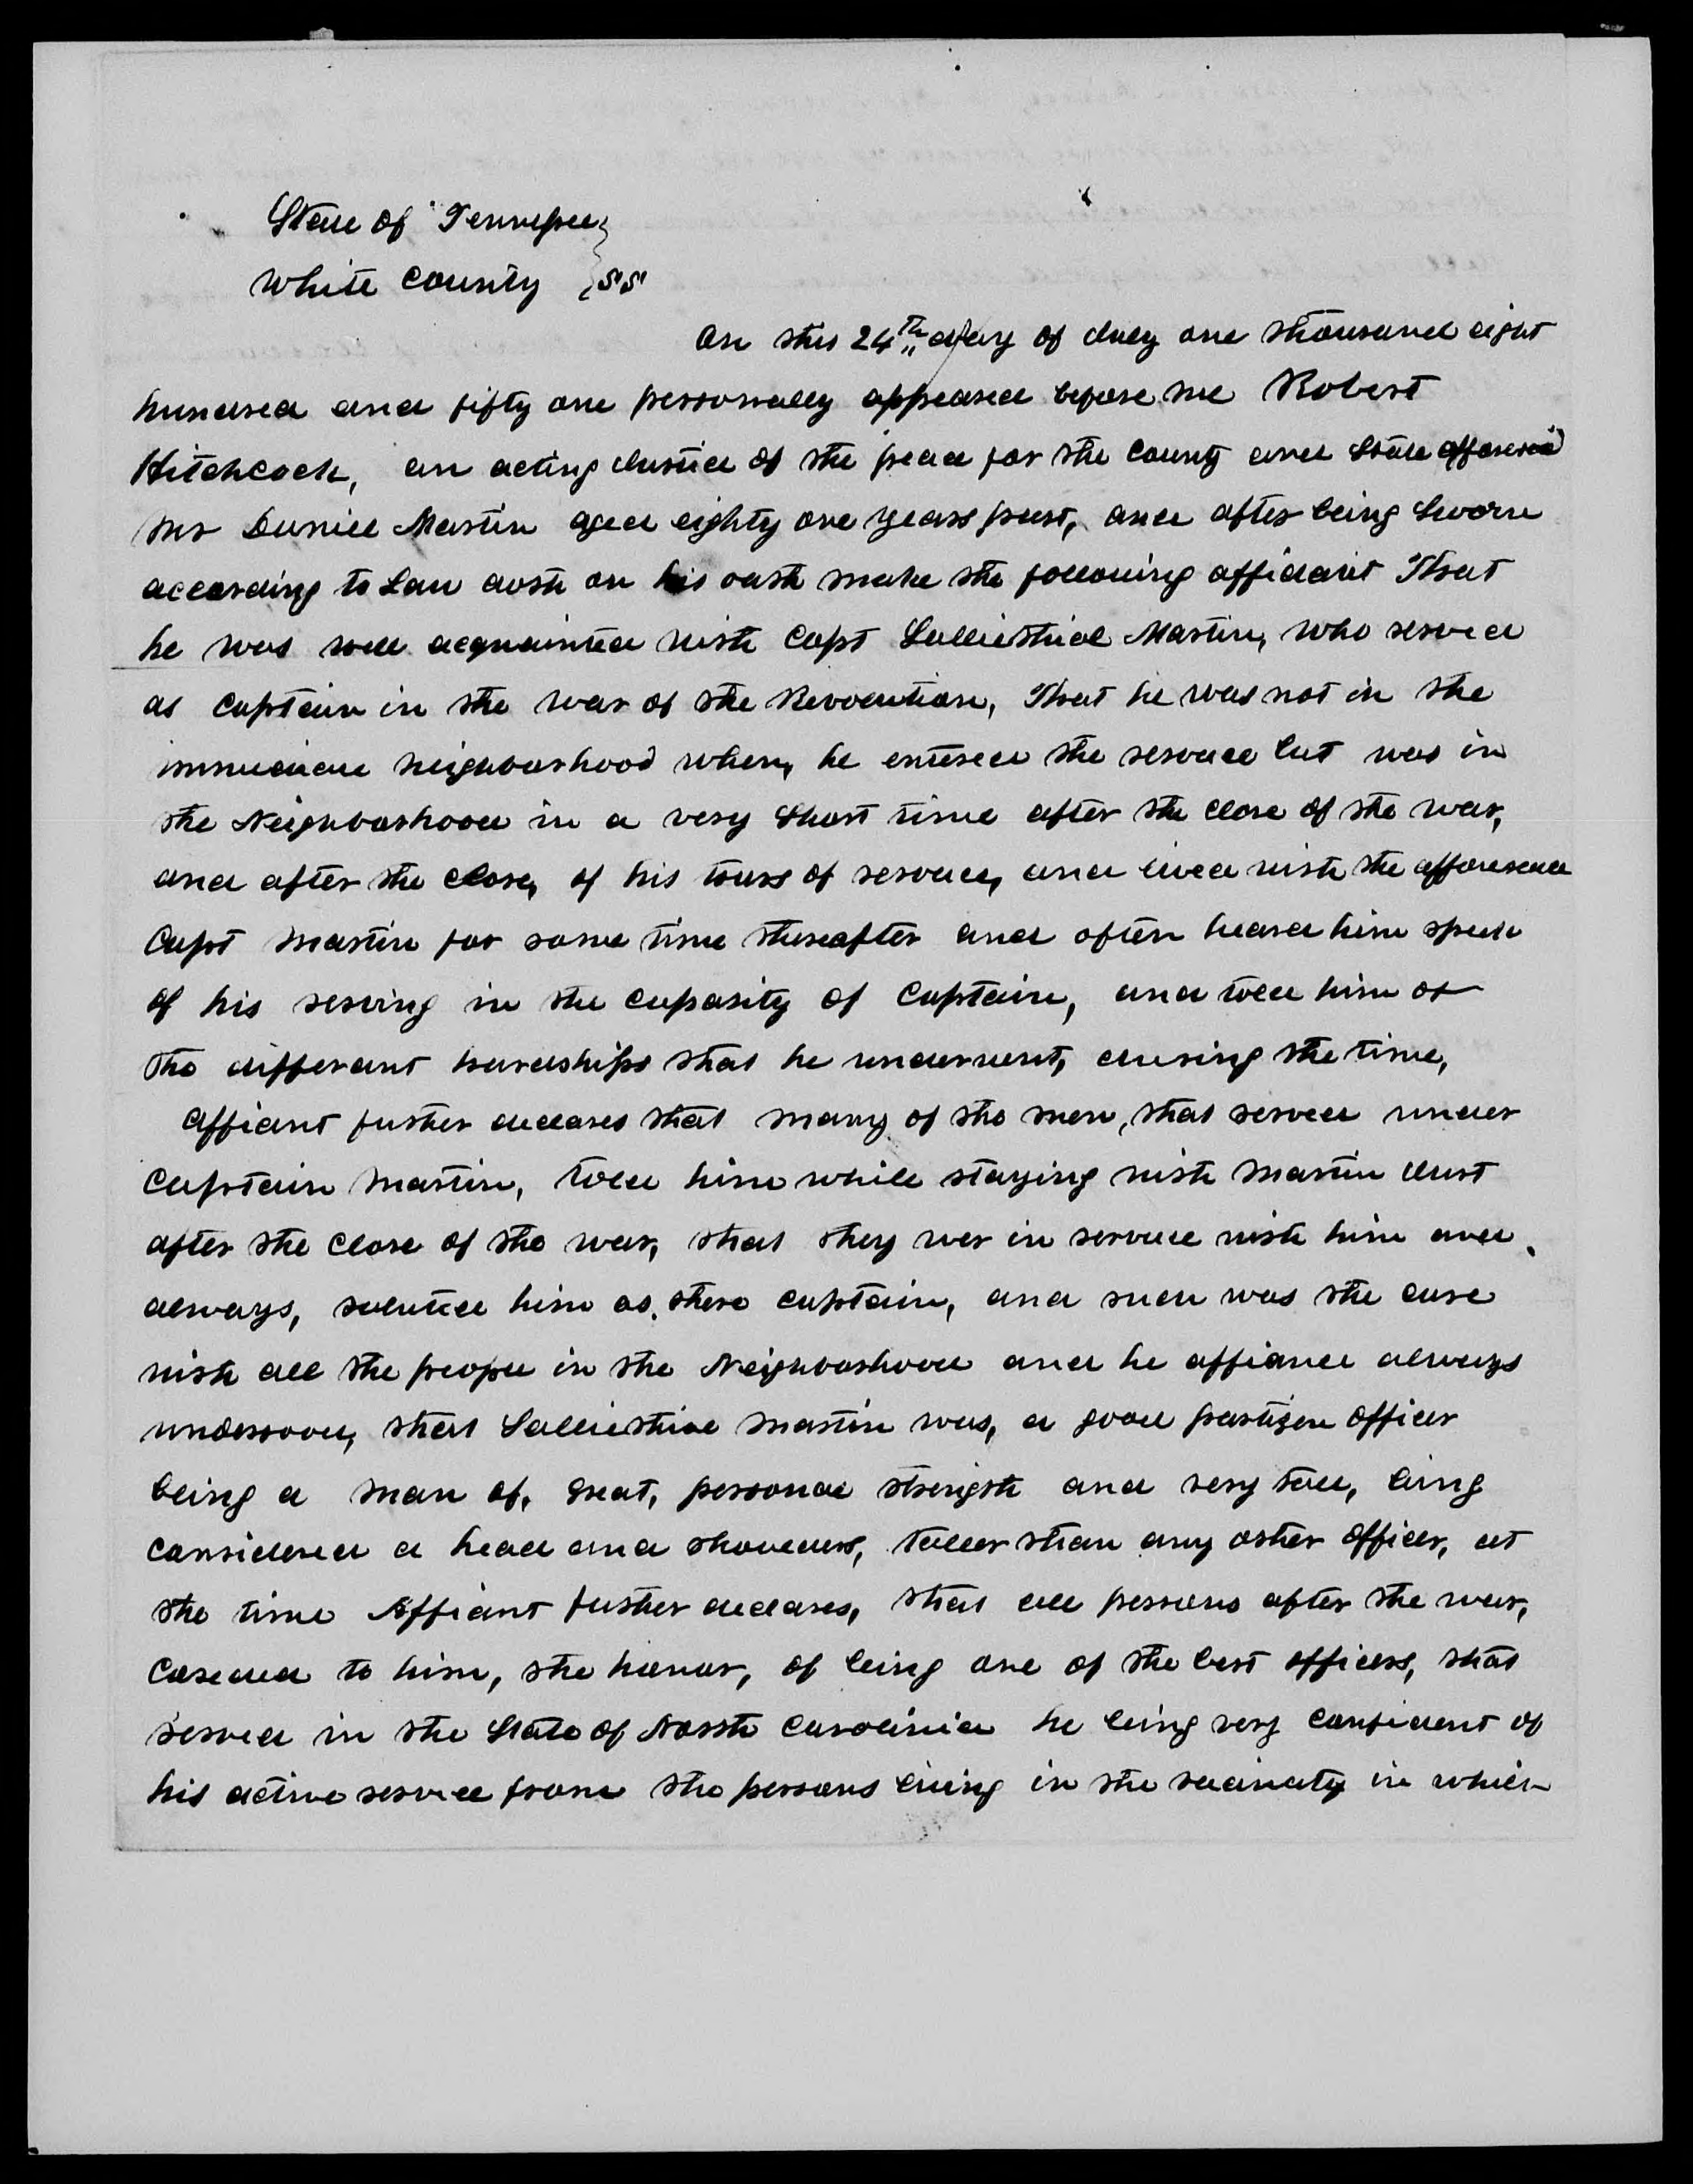State of Tennessee )
White County         )SS
On this 24th day of July one thousand eight
hundred and fifty one personally appeared before me Robert
Hitchcock, an acting Justice of the peace for the County and State afforesaid
Mr Daniel Martin aged eighty one years past, and after being sworn
according to Law doth on his oath make the following affidavit That
he was well acquainted with Capt Sallethial [Salathiel] Martin, who served
as Captain in the war of the Revolution, That he was not in the
immediate neighborhood when he entered the service but was in
the Neighborhood in a very short time after the close of the war,
and after the close of his tours of service and lived with the afforesaid
Capt Martin for some time thereafter and often heard him speak
of his serving in the capasity [capacity] of Captain, and told him of
the different hardships that he [illegible] during the time,
Affiant further declares that many of the men, that served under
Captain Martin, told him while staying with Martin that
after the close of the war, that they were in service with him and
always, saluted him as there [their] captain, and such was the case
with all the people in the neighborhood and he affiance [affiant] always
understood that Salathiel Martin was, a good partisan officer
being a man of, great, personal strength and very [illegible], and
considered a head and shoulder, taller than any other officer, at
the time Affiant further declares, that all persons after the war
[illegible] to him, the honor, of being one of the best officers, that
served in the State of North Carolina he being very confident of
his active service from the persons living in the vicinity in which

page: 118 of 120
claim: widow's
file: W. 1044, for Salathiel Martin, North Carolina